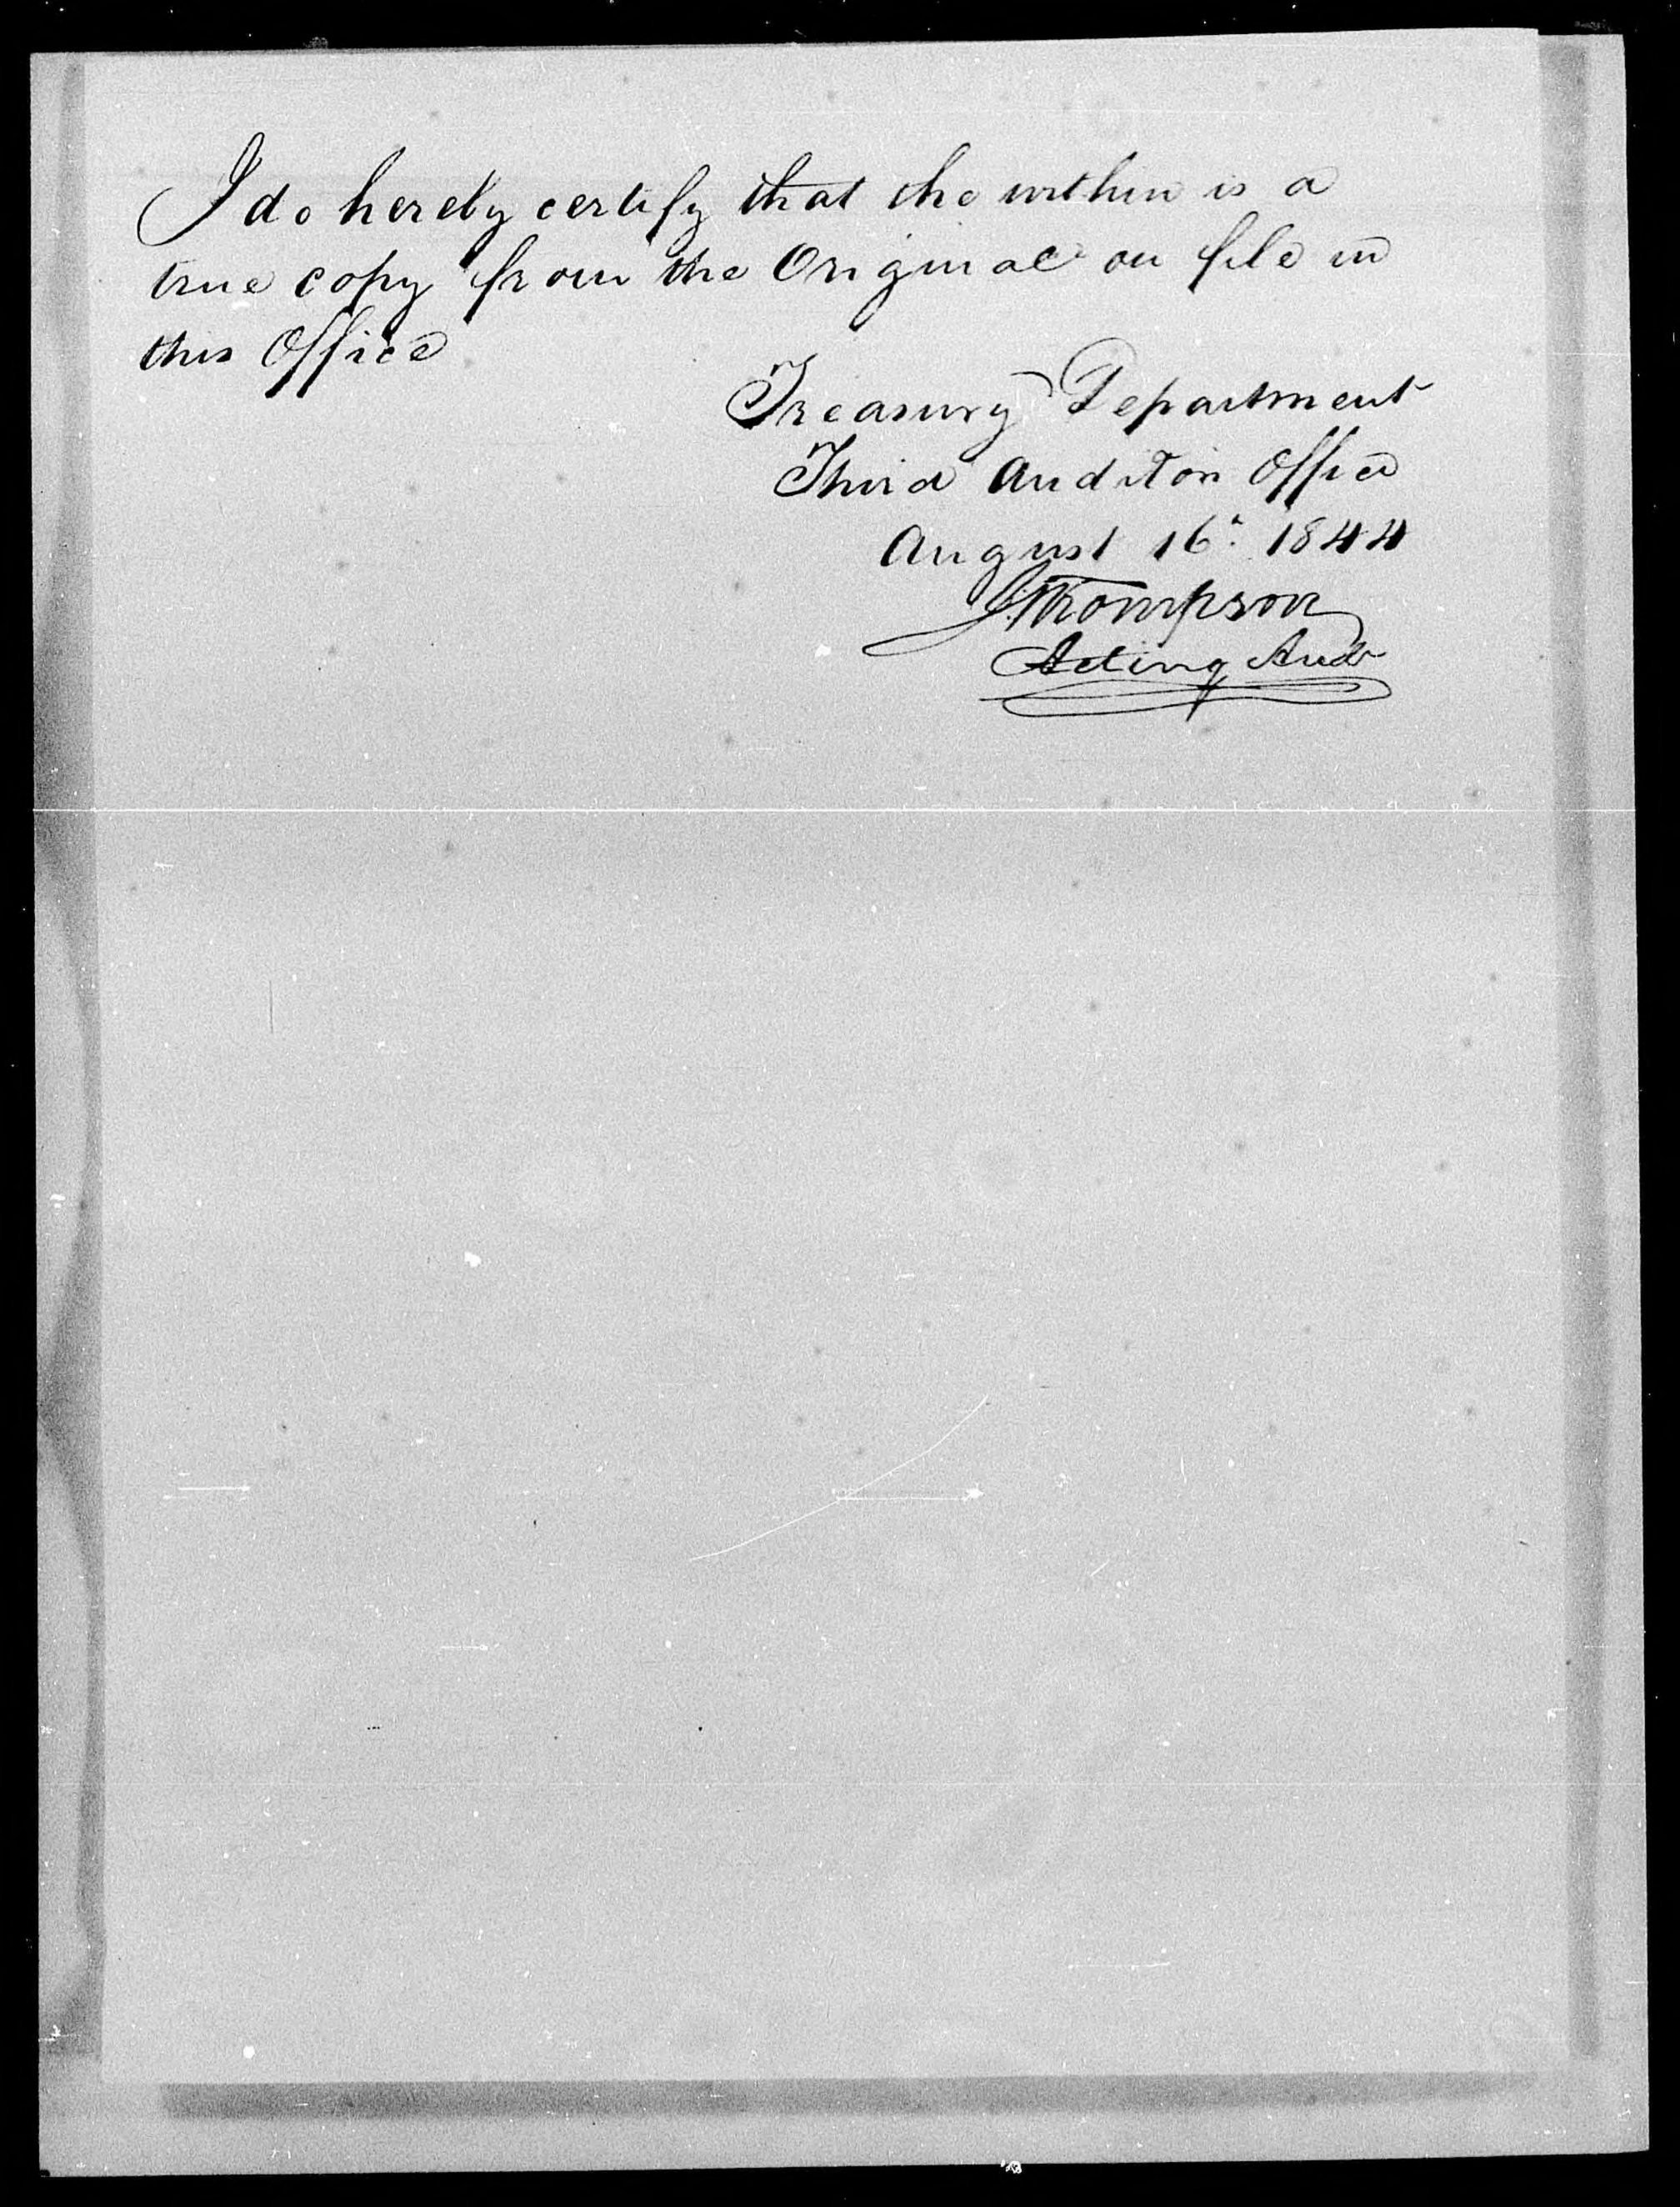I do hereby certify that the within is a true copy from the Original on file in this Office

Treasury Department
Third Auditor Office
August 16th. 1844
J. Thompson
Acting Aud.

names: J Thompson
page: 37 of 63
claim: widow's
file: W 2957, for Thomas Mc Dowell, Maryland